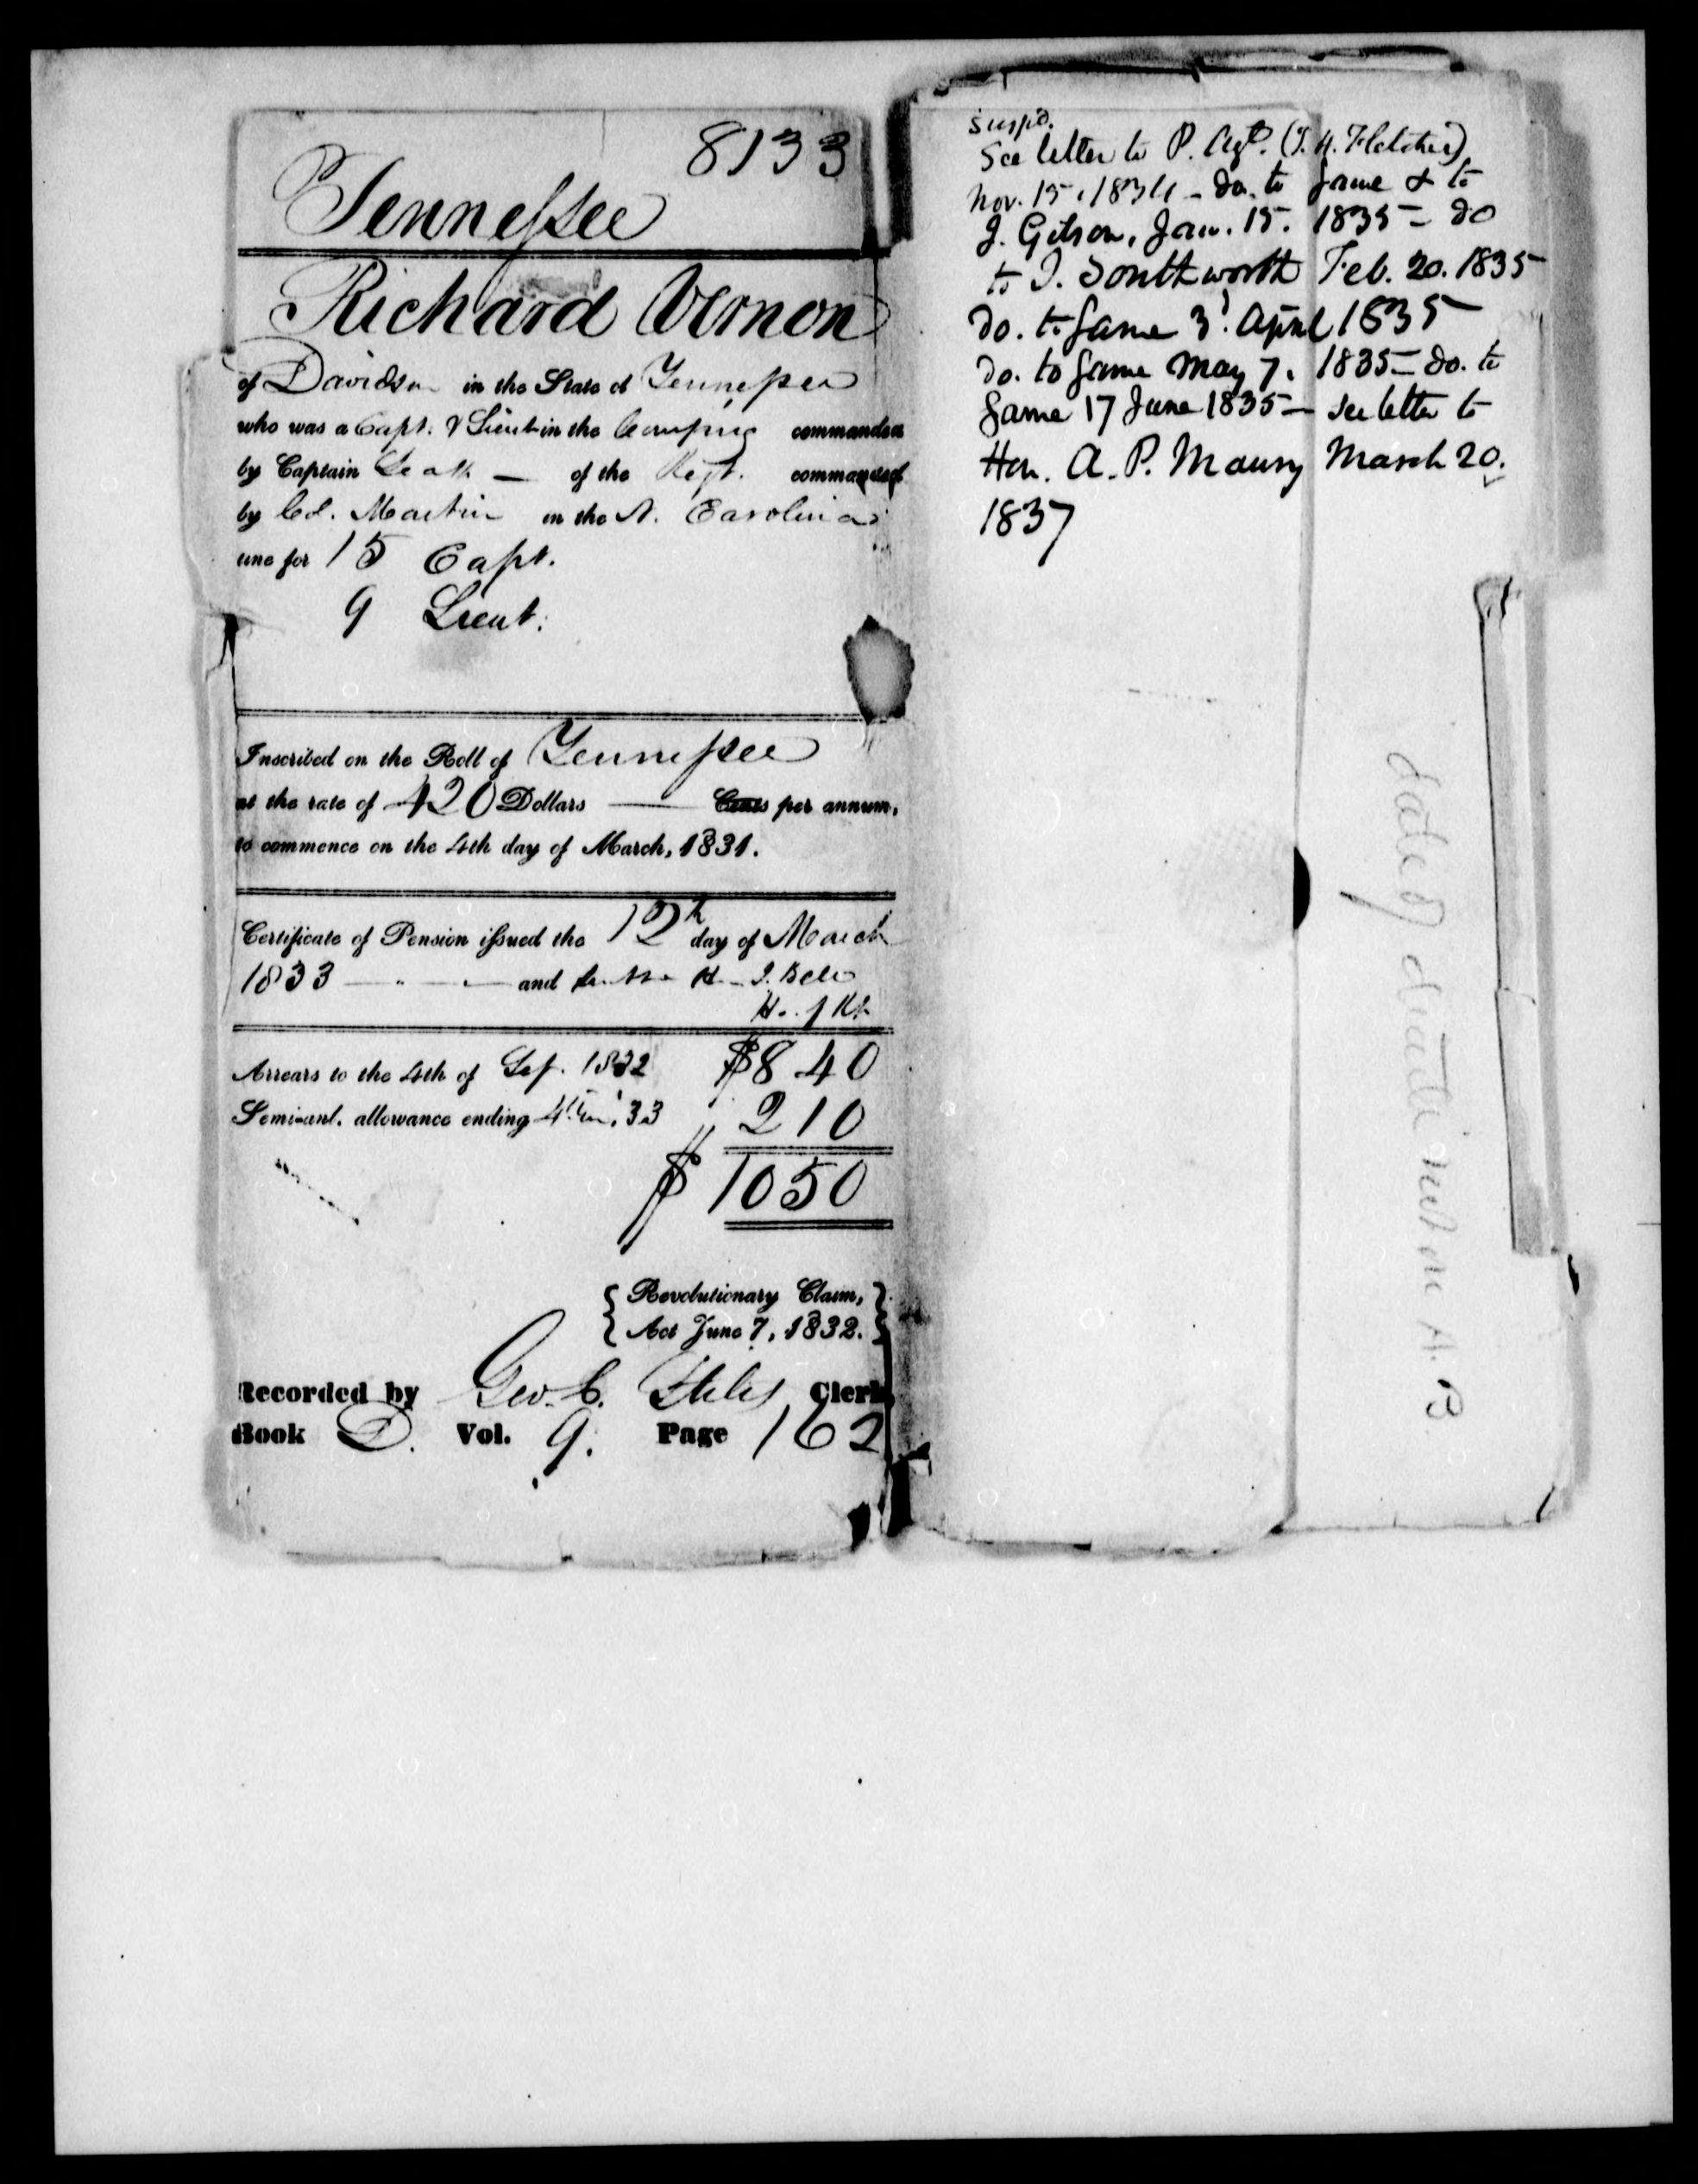8133
Tennessee
Richard Vernon
of Davidson in the State of Tennessee who was a Capt. & Lieut in the Company commanded by Captain Leak – of the regt. Commanded by Col. Martin in the N. Carolina line for 15 Capt. 9 Lieut.

Inscribed on the Roll of Tennessee at the rate of 420 Dollars __ Cents [crossed out] per annum, to commence on the 4th day of March, 1831.

Certificate of Pension issued the 12th day of March 1833 and sent to Hon. J. Bell H. of R.

Arrears to the 4th of Sep. 1832 $840
Semit-anl. allowance ending 4th Mar. ’33 $210
$1050

{Revolutionary Claim, Act June 7, 1832.}

Recorded by Geo. C. Stiles Clerk, 
Book D. Vol. 9. Page 162

Suspd.
See letter to P. Agt. (J. H. Fletcher)
Nov. 15, 1834 – do. to Same & to J. Gibson, Jan. 15 1835 – do.  to J. Southworth Feb. 20. 1835
do.  to Same 3rd April 1835
do.  to Same May 7. 1835 _ do.  to Same 17 June 1835 _ see letter to Hon. A. P. Maury March 20 1837

date of death not on A.B.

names: A P Maury, Davidson, Leak, Richard Vernon, J Bell, Geo C Stiles, J Southworth, J Gilson, Martin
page: 37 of 105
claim: survivor's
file: S. 1883, Richard Vernon, N.C.